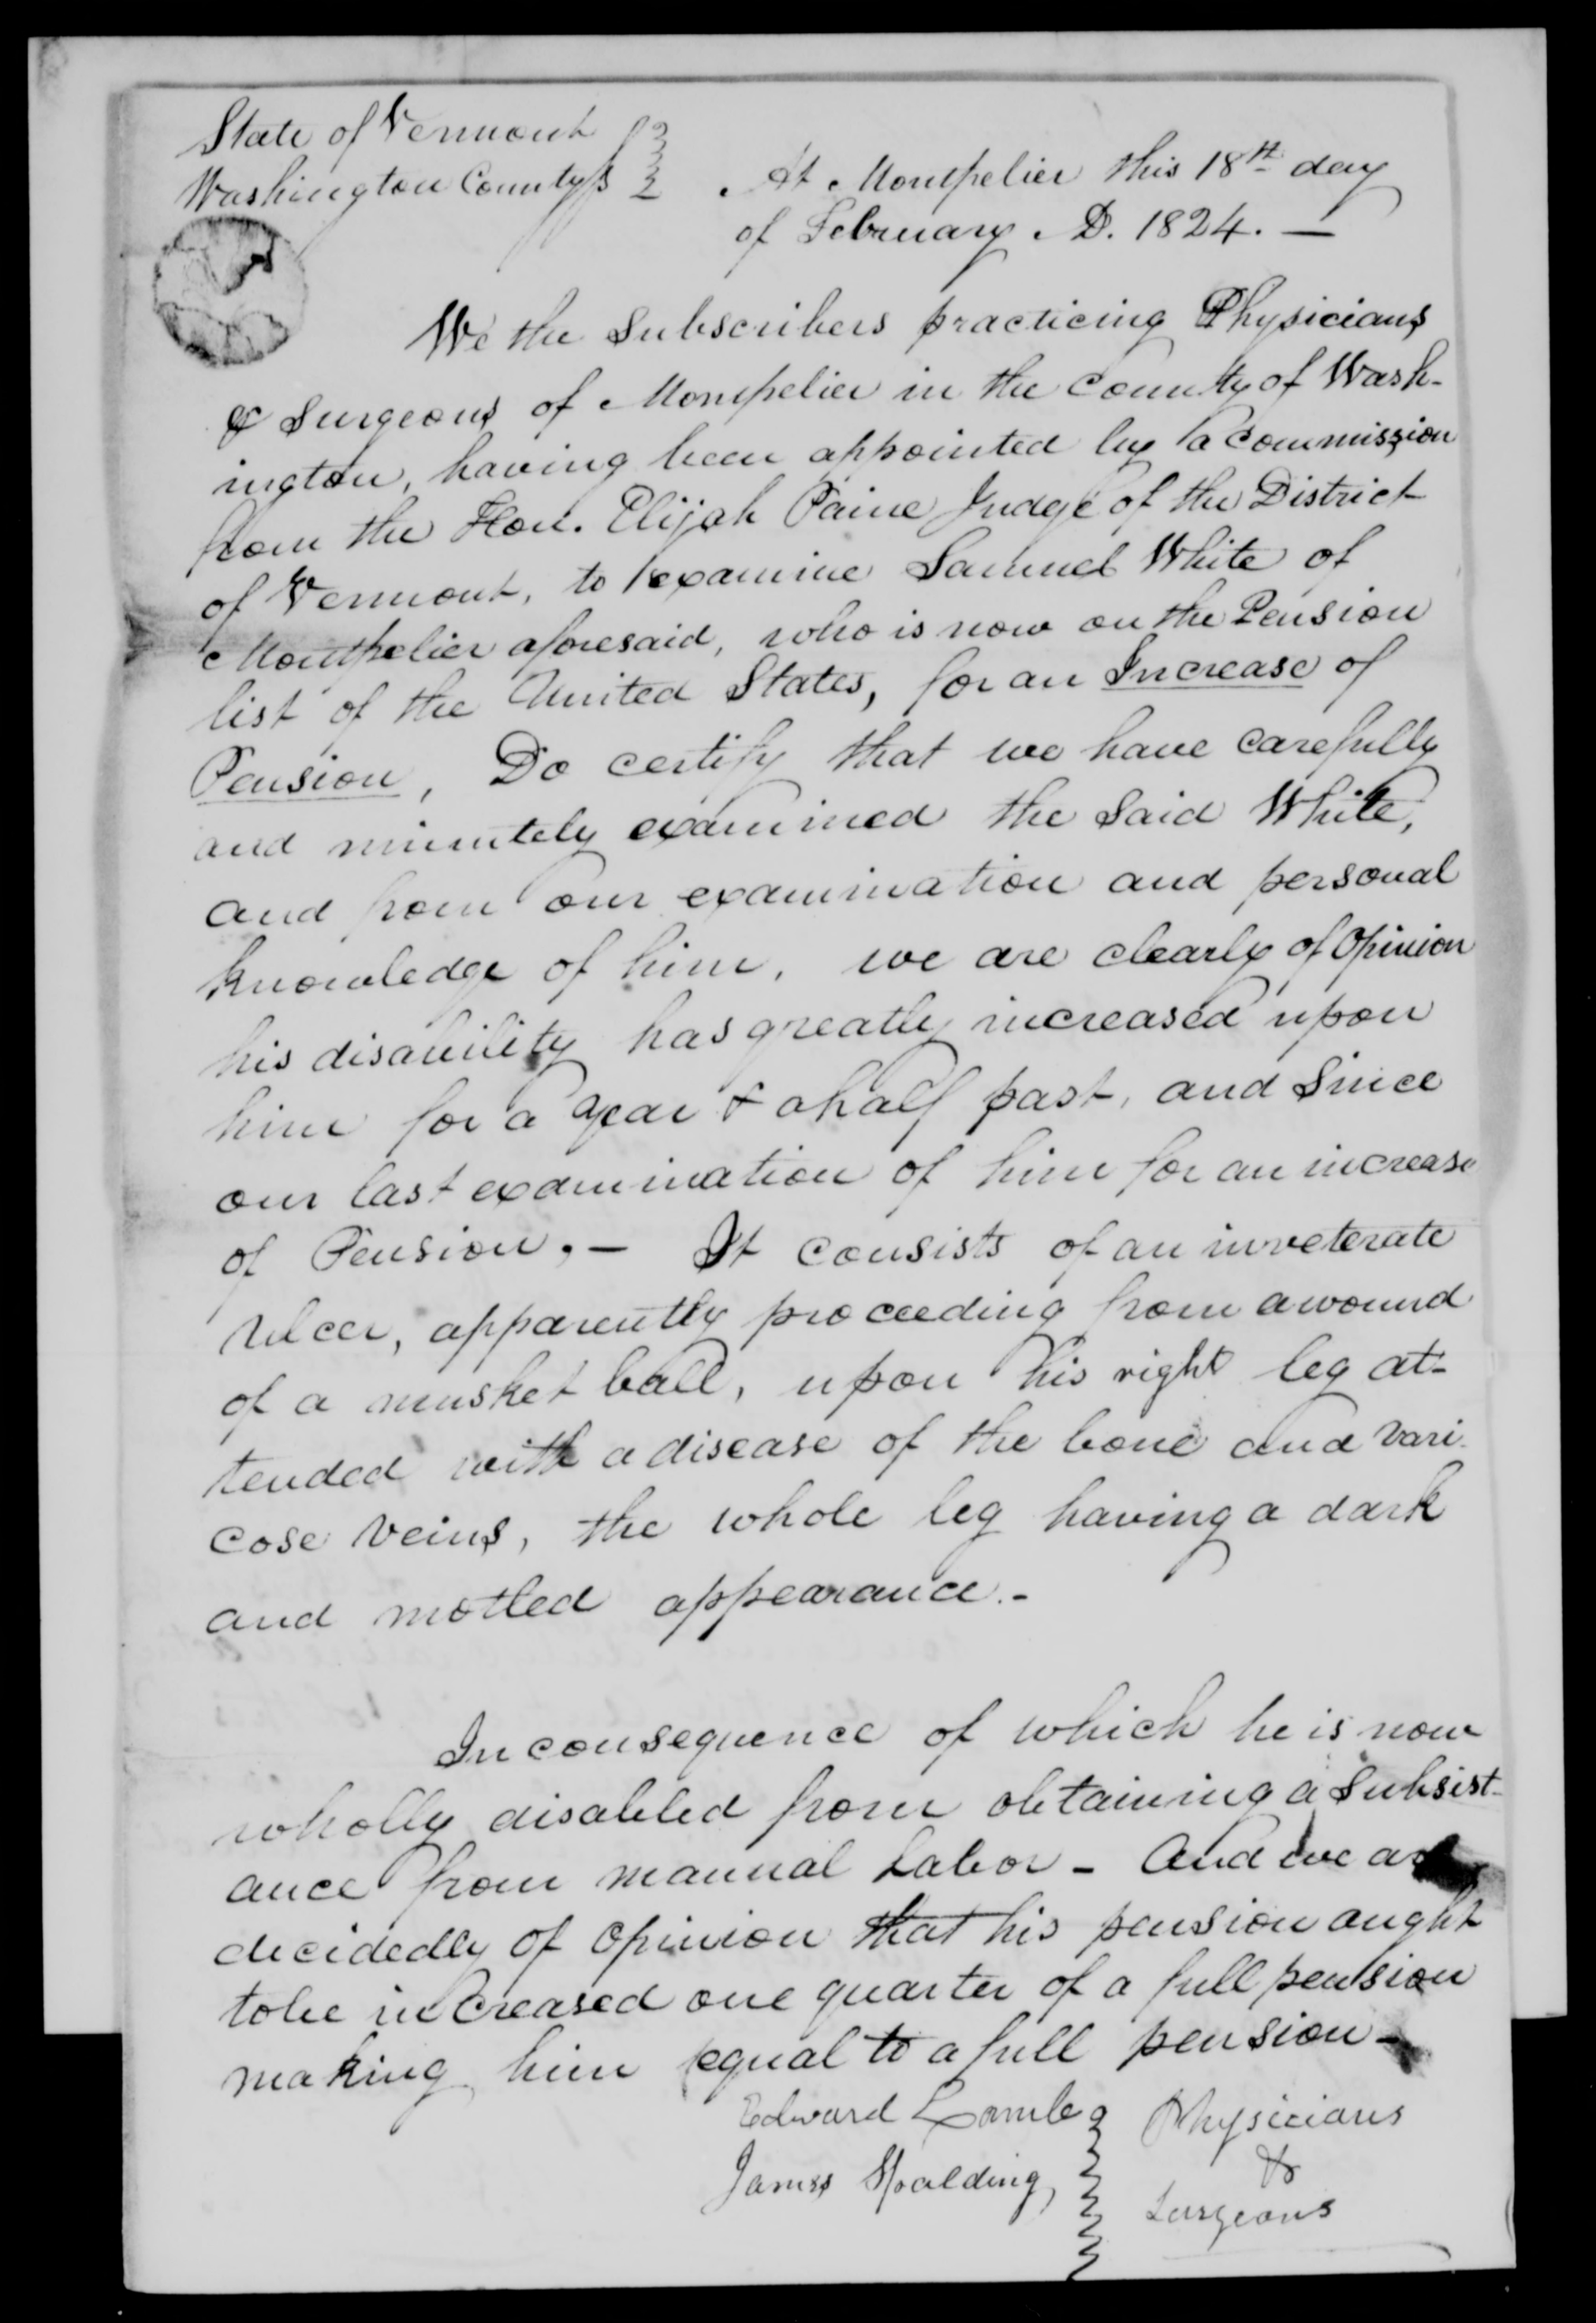State of Vermont
Washington County Ss

At Montpelier this 18th day of February AD. 1824

We the subscribers practicing Physicians & surgeons of Montpelier in the county of Washington, having been appointed by a commission from the Hon. Elijah Paine Judge of the District of Vermont, to examine Samuel White of Montpelier aforesaid, who is now on the Pension list of the United States, for an increase of Pension, do certify that we have carefully and minutely examined the said White and from our examination and personal knowledge of him, we are clearly of opinion his disability has greatly increased upon him for a year & a half past, and since our last examination of him for an increase of Pension, It consists of an inveterate ulcer, apparently proceeding from a wound of a musket ball, upon his right leg attended with a disease of the bone and varicose veins, the whole leg having a dark and mottled appearance.
In consequence of which he is now wholly disabled from obtaining a subsistance from manual labor and we are decidedly of opinion that his pension ought to be increase one quarter of a full pension making him equal to a full pension.
Edward Lamb
James Spalding Physicians & Surgeons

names: Samuel White, Elijah Paine, James Spalding, Edward Lamb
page: 56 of 79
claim: survivor's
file: S. 11759, Samuel White, Mass.